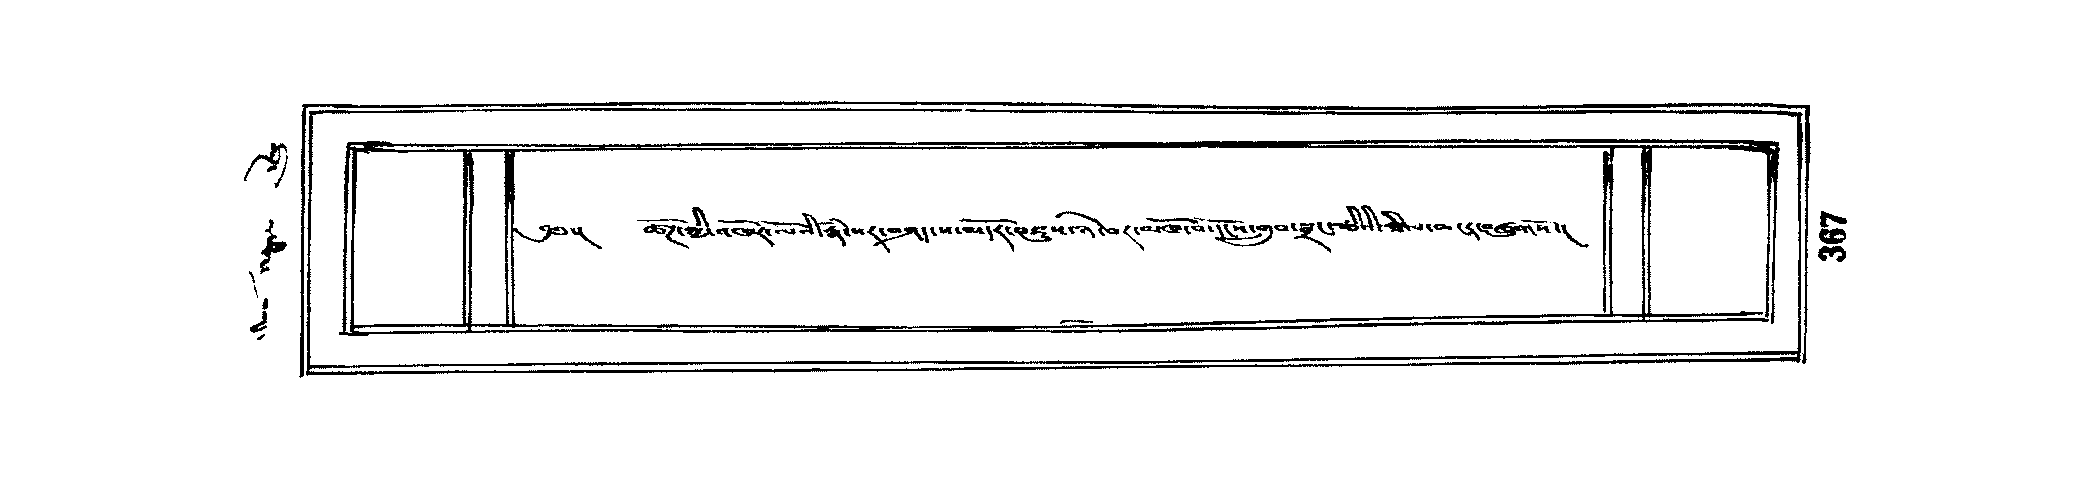༄༅། ཚོགས་ཀྱི་འཁོར་ལོའི་རྣམ་པར་བཤད་པ་མདོར་བསྡུས་ཉེ་བར་མཁོ་བ་དངོས་གྲུབ་སྦྲང་རྩིའི་ཟིལ་མངར་བཞུགས་སོ།